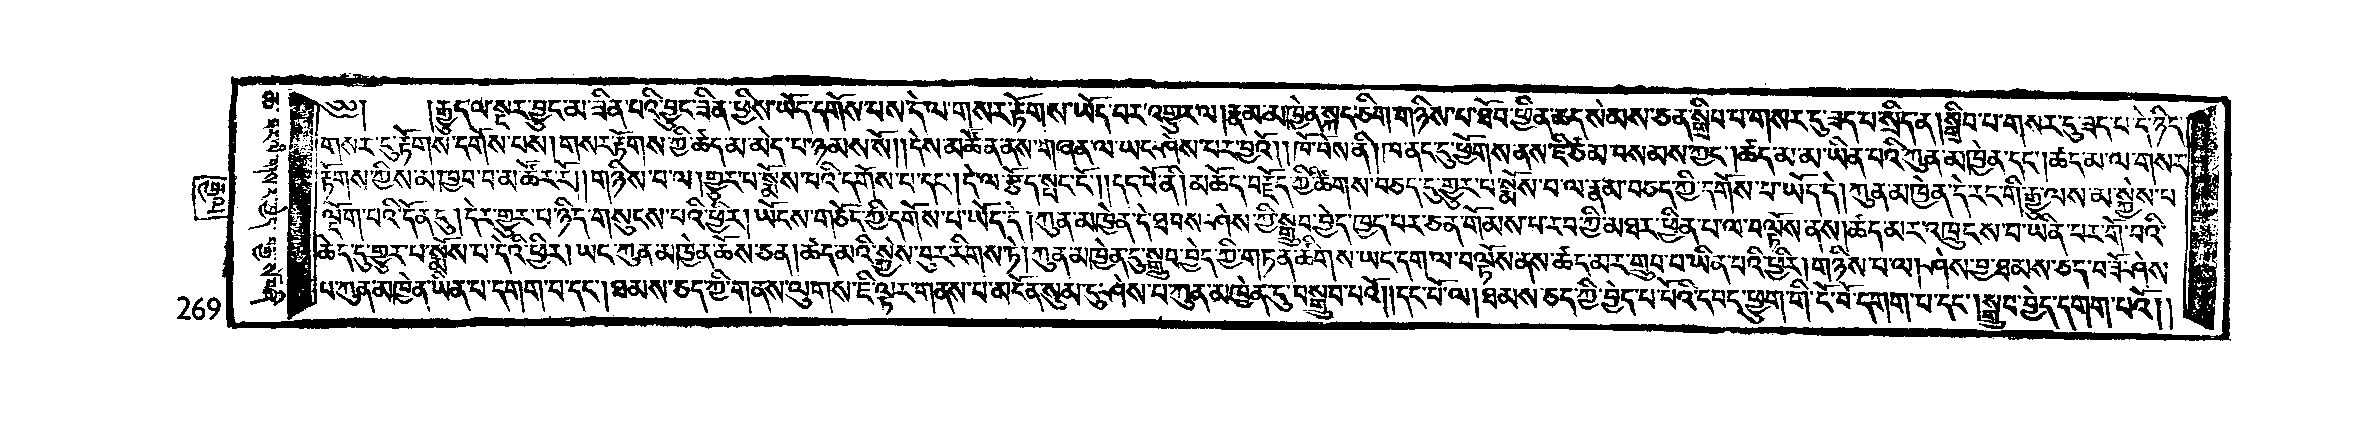༄༅། །རྒྱུད་ལ་སྔར་བྱུང་མ་ཟིན་པའི་བྱུང་ཟིན་ཕྱིས་ཡོད་དགོས་པས་དེ་ལ་གསར་རྟོགས་ཡོད་པར་འགྱུར་ལ། རྣམ་མཁྱེན་སྐད་ཅིག་གཉིས་པ་ཐོབ་ཕྱིན་ཆད་སེམས་ཅན་སྒྲིབ་པ་གསར་དུ་ཟད་པ་སྲིད་ན། སྒྲིབ་པ་གསར་དུ་ཟད་པ་དེ་ཉིད་
གསར་དུ་རྟོགས་དགོས་པས། གསར་རྟོགས་ཀྱི་ཚད་མ་མེད་པ་ཉམས་སོ། །དེས་མཚོན་ནས་གཞན་ལ་ཡང་ཤེས་པར་བྱའོ། །ཁོ་བོས་ནི། ཁ་ནང་དུ་ཕྱོགས་ནས་ཇི་ཙམ་བསམས་ཀྱང་། ཚད་མ་མ་ཡིན་པའི་ཀུན་མཁྱེན་དང་། ཚད་མ་ལ་གསར་
རྟོགས་ཀྱིས་མ་ཁྱབ་པ་མ་ཚོར་རོ། །གཉིས་པ་ལ། གྱུར་པ་སྨོས་པའི་དགོས་པ་དང་། དེ་ལ་རྩོད་སྤང་ངོ། །དང་པོ་ནི། མཆོད་བརྗོད་ཀྱི་ཚིགས་བཅད་དུ་གྱུར་པ་སྨོས་པ་ལ་རྣམ་བཅད་ཀྱི་དགོས་པ་ཡོད་དེ། ཀུན་མཁྱེན་དེ་རང་གི་རྒྱུ་ལས་མ་སྐྱེས་པ་
ལྡོག་པའི་དོན་དུ། དེར་གྱུར་པ་ཉིད་གསུངས་པའི་ཕྱིར། ཡོངས་གཅོད་ཀྱི་དགོས་པ་ཡོད་དེ། ཀུན་མཁྱེན་དེ་ཐབས་ཤེས་ཀྱི་སྒྲུབ་བྱེད་ཁྱད་པར་ཅན་གོམས་པ་རབ་ཀྱི་མཐར་ཕྱིན་པ་ལ་བལྟོས་ནས། ཚད་མར་འཁྲུངས་པ་ཡིན་པར་གོ་བའི་
ཆེད་དུ་གྱུར་པ་སྨོས་པ་དེའི་ཕྱིར། ཡང་ཀུན་མཁྱེན་ཆོས་ཅན། ཚད་མའི་སྐྱེས་བུར་རིགས་ཏེ། ཀུན་མཁྱེན་དུ་སྒྲུབ་བྱེད་ཀྱི་གཏན་ཚིགས་ཡང་དག་ལ་བལྟོས་ནས་ཚད་མར་གྲུབ་པ་ཡིན་པའི་ཕྱིར། གཉིས་པ་ལ། ཤེས་བྱ་ཐམས་ཅད་བཟོ་ཤེས་
པ་ཀུན་མཁྱེན་ཡིན་པ་དགག་པ་དང་། ཐམས་ཅད་ཀྱི་གནས་ལུགས་ཇི་ལྟར་གནས་པ་མངོན་སུམ་དུ་ཤེས་པ་ཀུན་མཁྱེན་དུ་བསྒྲུབ་པའོ། །དང་པོ་ལ། ཐམས་ཅད་ཀྱི་བྱེད་པ་པོའི་དབང་ཕྱུག་གི་ངོ་བོ་དགག་པ་དང་། སྒྲུབ་བྱེད་དགག་པའོ།།